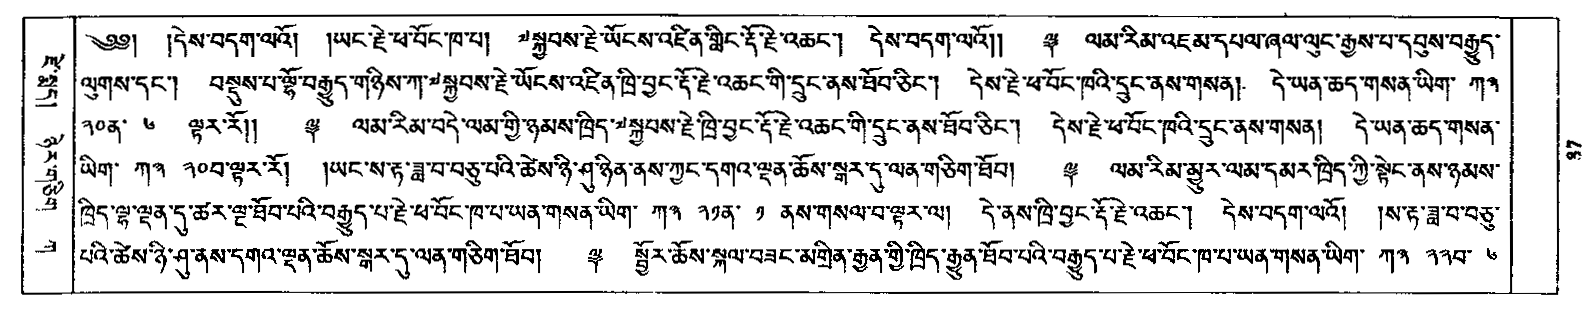༄༅། །དེས་བདག་ལའོ། །ཡང་རྗེ་ཕ་བོང་ཁ་པ། ༧་སྐྱབས་རྗེ་ཡོངས་འཛིན་གླིང་རྡོ་རྗེ་འཆང་། དེས་བདག་ལའོ།། ༈ ལམ་རིམ་འཇམ་དཔལ་ཞལ་ལུང་རྒྱས་པ་དབུས་བརྒྱུད་
ལུགས་དང་། བསྡུས་པ་ལྷོ་བརྒྱུད་གཉིས་ཀ་༧་སྐྱབས་རྗེ་ཡོངས་འཛིན་ཁྲི་བྱང་རྡོ་རྗེ་འཆང་གི་དྲུང་ནས་ཐོབ་ཅིང་། དེས་རྗེ་ཕ་བོང་ཁའི་དྲུང་ནས་གསན། དེ་ཡན་ཆད་གསན་ཡིག་ཀ ༣
༢༠་ན ༦་ལྟར་རོ།། ༈ ལམ་རིམ་བདེ་ལམ་གྱི་ཉམས་ཁྲིད་༧་སྐྱབས་རྗེ་ཁྲི་བྱང་རྡོ་རྗེ་འཆང་གི་དྲུང་ནས་ཐོབ་ཅིང་། དེས་རྗེ་ཕ་བོང་ཁའི་དྲུང་ནས་གསན། དེ་ཡང་ཆད་གསན་
ཡིག་ཀ ༣ ༢༠་བ་ལྟར་རོ། །ཡང་ས་རྟ་ཟླ་བ་བཅུ་པའི་ཚེས་ཉི་ཤུ་ཉིན་ནས་ཀྱང་དགའ་ལྡན་ཆོས་སྒར་དུ་ལན་གཅིག་ཐོབ། ༈ ལམ་རིམ་མྱུར་ལམ་དམར་ཁྲིད་ཀྱི་སྟེང་ནས་ཉམས་
ཁྲིད་ལྷ་ལྡན་དུ་ཚར་ལྔ་ཐོབ་པའི་བརྒྱུད་པ་རྗེ་ཕ་བོང་ཁ་པ་ཡན་གསན་ཡིག་ཀ ༣ ༢༡་ན ༡་ནས་གསལ་བ་ལྟར་ལ། དེ་ནས་ཁྲི་བྱང་རྡོ་རྗེ་འཆང་། དེས་བདག་ལའོ། །ས་རྟ་ཟླ་བ་བཅུ་
པའི་ཚེས་ཉི་ཤུ་ནས་དགའ་ལྡན་ཆོས་སྒར་དུ་ལན་གཅིག་ཐོབ། ༈ སྦྱོར་ཆོས་སྐལ་བཟང་མགྲིན་རྒྱན་གྱི་ཁྲིད་རྒྱུན་ཐོབ་པའི་བརྒྱུད་པ་རྗེ་ཕ་བོང་ཁ་པ་ཡན་གསན་ཡིག་ཀ ༣ ༢༢་བ ༦